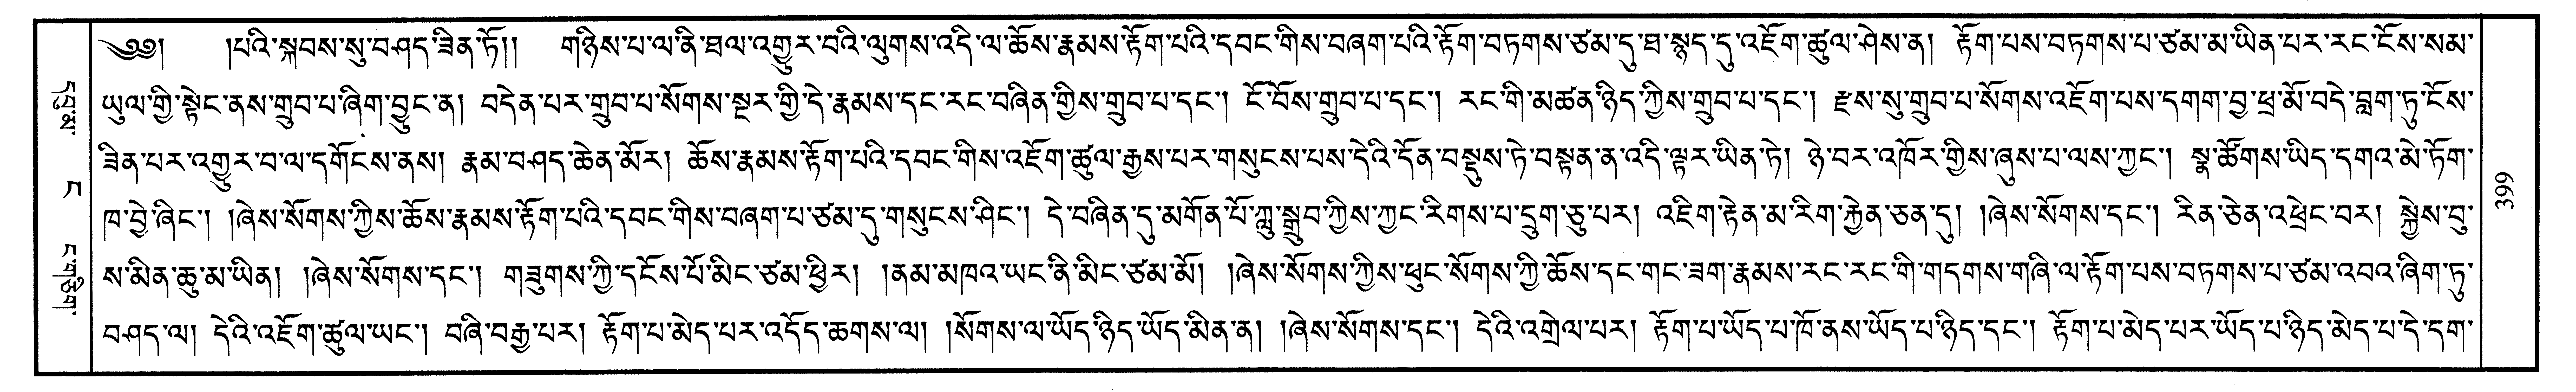༄༅། །པའི་སྐབས་སུ་བཤད་ཟིན་ཏོ།། གཉིས་པ་ལ་ནི་ཐལ་འགྱུར་བའི་ལུགས་འདི་ལ་ཆོས་རྣམས་རྟོག་པའི་དབང་གིས་བཞག་པའི་རྟོག་བཏགས་ཙམ་དུ་ཐ་སྙད་དུ་འཇོག་ཚུལ་ཤེས་ན། རྟོག་པས་བཏགས་པ་ཙམ་མ་ཡིན་པར་རང་ངོས་སམ་
ཡུལ་གྱི་སྟེང་ནས་གྲུབ་པ་ཞིག་བྱུང་ན། བདེན་པར་གྲུབ་པ་སོགས་སྔར་གྱི་དེ་རྣམས་དང་རང་བཞིན་གྱིས་གྲུབ་པ་དང་། ངོ་བོས་གྲུབ་པ་དང་། རང་གི་མཚན་ཉིད་ཀྱིས་གྲུབ་པ་དང་། རྫས་སུ་གྲུབ་པ་སོགས་འཇོག་པས་དགག་བྱ་ཕྲ་མོ་བདེ་བླག་ཏུ་ངོས་
ཟིན་པར་འགྱུར་བ་ལ་དགོངས་ནས། རྣམ་བཤད་ཆེན་མོར། ཆོས་རྣམས་རྟོག་པའི་དབང་གིས་འཇོག་ཚུལ་རྒྱས་པར་གསུངས་པས་དེའི་དོན་བསྡུས་ཏེ་བསྟན་ན་འདི་ལྟར་ཡིན་ཏེ། ཉེ་བར་འཁོར་གྱིས་ཞུས་པ་ལས་ཀྱང་། སྣ་ཚོགས་ཡིད་དགའ་མེ་ཏོག་
ཁ་བྱེ་ཞིང་། །ཞེས་སོགས་ཀྱིས་ཆོས་རྣམས་རྟོག་པའི་དབང་གིས་བཞག་པ་ཙམ་དུ་གསུངས་ཤིང་། དེ་བཞིན་དུ་མགོན་པོ་ཀླུ་སྒྲུབ་ཀྱིས་ཀྱང་རིགས་པ་དྲུག་ཅུ་པར། འཇིག་རྟེན་མ་རིག་རྐྱེན་ཅན་དུ། །ཞེས་སོགས་དང་། རིན་ཅེན་འཕྲེང་བར། སྐྱེས་བུ་
ས་མིན་ཆུ་མ་ཡིན། །ཞེས་སོགས་དང་། གཟུགས་ཀྱི་དངོས་པོ་མིང་ཙམ་ཕྱིར། །ནམ་མཁའ་ཡང་ནི་མིང་ཙམ་མོ། །ཞེས་སོགས་ཀྱིས་ཕུང་སོགས་ཀྱི་ཆོས་དང་གང་ཟག་རྣམས་རང་རང་གི་གདགས་གཞི་ལ་རྟོག་པས་བཏགས་པ་ཙམ་འབའ་ཞིག་ཏུ་
བཤད་ལ། དེའི་འཇོག་ཚུལ་ཡང་། བཞི་བརྒྱ་པར། རྟོག་པ་མེད་པར་འདོད་ཆགས་ལ། །སོགས་ལ་ཡོད་ཉིད་ཡོད་མིན་ན། །ཞེས་སོགས་དང་། དེའི་འགྲེལ་པར། རྟོག་པ་ཡོད་པ་ཁོ་ནས་ཡོད་པ་ཉིད་དང་། རྟོག་པ་མེད་པར་ཡོད་པ་ཉིད་མེད་པ་དེ་དག་